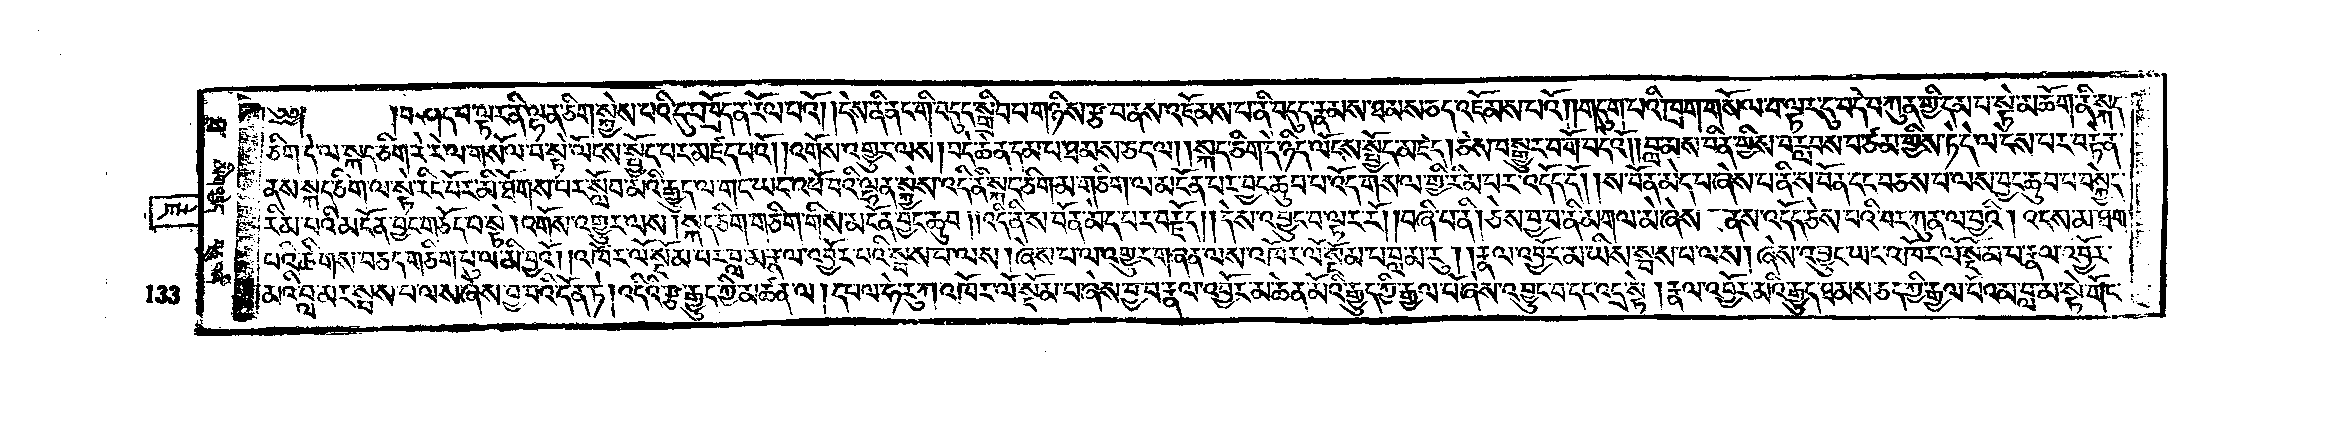༄༅། །བཤད་པ་ལྟར་ནི་ལྷན་ཅིག་སྐྱེས་པའི་དུར་ཁྲོད་ན་རོལ་པའོ། །དེས་ནི་ནང་གི་བདུད་སྒྲིབ་པ་གཉིས་རྩ་བ་ནས་འཇོམས་པ་ནི་བདུད་རྣམས་ཐམས་ཅད་འཇོམས་པའོ། །གདུག་པའི་ཁྲག་གསོལ་བ་ལྟར་དུ་བདེ་བ་ཀུན་གྱི་དམ་པ་སྟེ་མཆོག་ནི་སྐད་
ཅིག་དེ་ལ་སྐད་ཅིག་རེ་རེ་ལ་གསོལ་བ་སྟེ་ལོངས་སྤྱོད་པར་མཛད་པའོ། །འགོས་འགྱུར་ལས། བདེ་ཆེན་དམ་པ་ཐམས་ཅད་ལ། །སྐད་ཅིག་དེ་ཉིད་ལོངས་སྤྱོད་མཛད། ཅེས་བསྒྱུར་བ་གོ་བདེའོ། །བླ་མས་བྱིན་གྱིས་བརླབས་པ་ཙམ་གྱིས་ཏེ་དེ་ལ་ངེས་པར་བརྟེན་
ནས་སྐད་ཅིག་ལ་སྟེ་རིང་པོར་མི་ཐོགས་པར་སློབ་མའི་རྒྱུད་ལ་གང་ཡང་འཕོ་བའི་ལྷན་སྐྱེས་འདི་ནི་སྐད་ཅིག་མ་གཅིག་ལ་མངོན་པར་བྱང་ཆུབ་པ་འོད་གསལ་གྱི་རིམ་པར་འདོད་དོ། །ས་བོན་མེད་པ་ཞེས་པ་ནི་ས་བོན་དང་བཅས་པ་ལས་བྱང་ཆུབ་པ་བསྐྱེད་
རིམ་པའི་མངོན་བྱང་གཅོད་པ་སྟེ། འགོས་འགྱུར་ལས། སྐད་ཅིག་གཅིག་གིས་མངོན་བྱང་ཆུབ། །འདི་ནི་ས་བོན་མེད་པར་བརྗོད། །དེས་འབྱུང་བ་ལྟར་རོ། །བཞི་པ་ནི། ཅེས་བྱ་བ་ནི་མགལ་མེ་ཞེས་པ་ནས་འདོད་ཅེས་པའི་བར་ཀུན་ལ་བྱའི། འདས་མ་ཐག་
པའི་ཚིགས་བཅད་གཅིག་པུ་ལ་མི་བྱའོ། །འཁོར་ལོ་སྡོམ་པར་བླ་མ་རྣལ་འབྱོར་པའི་སྦས་པ་ལས། ཞེས་པ་ལ་འགྱུར་གཞན་ལས་འཁོར་ལོ་སྡོམ་པ་བླ་མ་རུ། །རྣལ་འབྱོར་མ་ཡིས་སྦས་པ་ལས། ཞེས་འབྱུང་ཡང་འཁོར་ལོ་སྡོམ་པ་རྣལ་འབྱོར་
མའི་བླ་མར་སྦས་པ་ལས་ཞེས་བྱ་བའི་དོན་ཏེ། འདིའི་རྩ་རྒྱུད་ཀྱི་མཚན་ལ། དཔལ་ཧེ་རུ་ཀ་འཁོར་ལོ་སྡོམ་པ་ཞེས་བྱ་བ་རྣལ་འབྱོར་མ་ཆེན་མོའི་རྒྱུད་ཀྱི་རྒྱལ་པོ་ཞེས་འབྱུང་བ་དང་འདྲ་སྟེ། རྣལ་འབྱོར་མའི་རྒྱུད་ཐམས་ཅད་ཀྱི་རྒྱལ་པོའམ་བླ་མ་སྟེ་གོང་